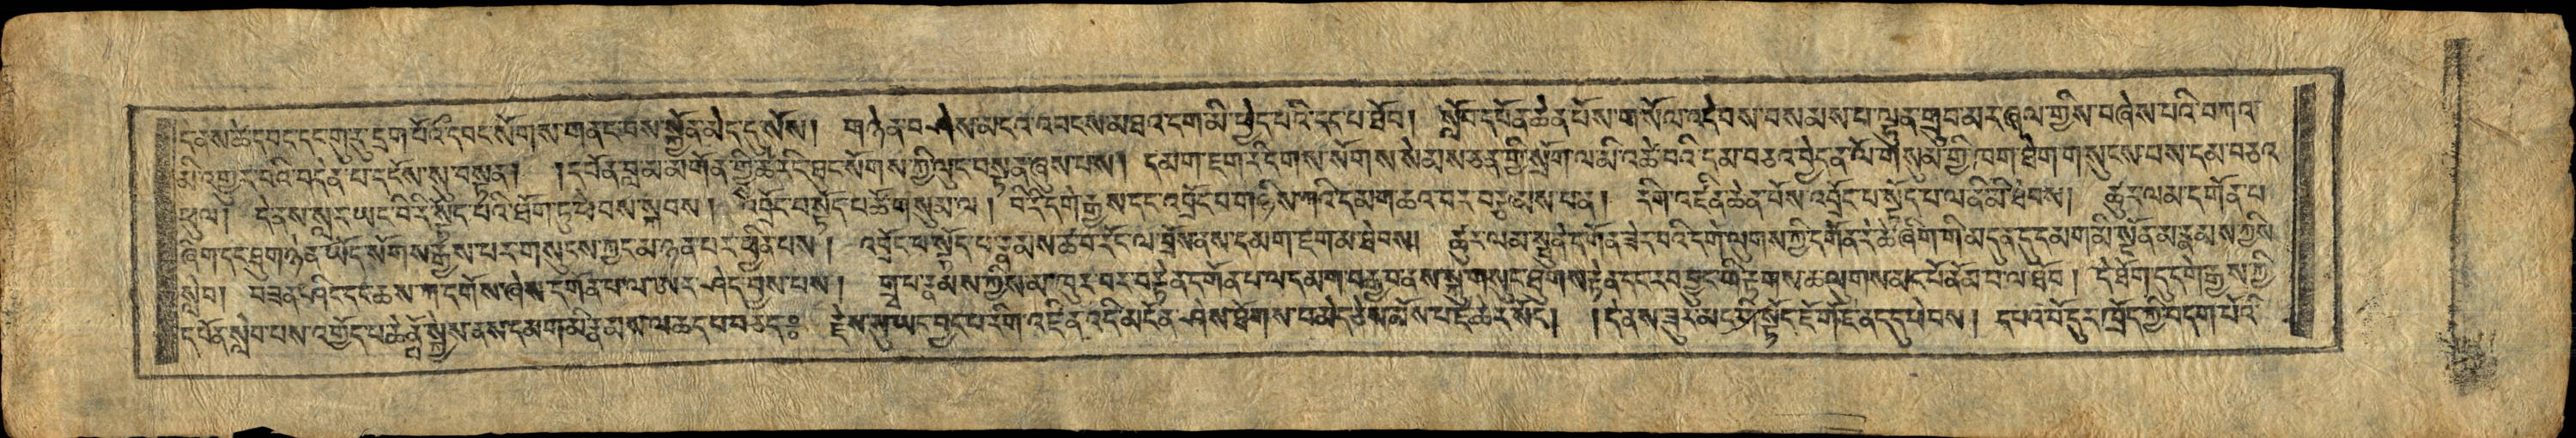དེ་ནས་ཚེ་དབང་དང་གུ་རུ་དྲག་པོའི་དབང་སོགས་གནང་བས་སྐྱོན་མེད་དུ་སོས། གཉེན་བ་ཤས་མངའ་འབངས་མཐའ་དག་མི་ཕྱད་པའི་དད་པ་ཐོབ། སློབ་དཔོན་ཆེན་པོས་གསོལ་འདེབས་བསམས་པ་ལྷུན་གྲུབ་མར་ཞལ་གྱིས་བཞེས་པའི་བཀའ་
མི་འགྱུར་བའི་བདེན་པ་དངོས་སུ་བསྟན། །དཔོན་བླ་མ་མགོན་གྱིས་ཚེ་རིང་ཐུང་སོགས་ཀྱི་ལུང་བསྟན་ཞུས་པས། དམག་ཇག་རི་དགས་སོགས་སེམས་ཅན་གྱི་སྲོག་ལ་མི་འཚེ་བའི་དམ་བཅའ་བྱེད་ན་ལོ་གསུམ་གྱི་ཁག་ཐེག་གསུངས་པ་དམ་བཅའ་
ཕུལ། དེ་ནས་སླར་ཡང་བི་རི་སྟེང་པའི་ཐོག་ཏུ་ཕེབས་སྐབས། འབྲོང་པ་སྟོད་པ་ཚོ་གསུམ་ལ། བི་རི་དག་རྒྱས་དང་འབྲོང་བ་གཉིས་ཀའི་དམག་ཆའི་བར་བརྩམས་པ་ན། རིག་འཛིན་ཆེན་པོས་འབྲོང་པ་སྟོད་པ་ལ་ནི་མི་ཐེབས། ཚུར་ལམ་དགོན་པ་
ཞིག་དང་ཐུག་ཉེན་ཡོང་སོགས་རྒྱས་པར་གསུངས་ཀྱང་མཉན་པར་ཕྱིན་པས། འབྲོང་པ་སྲོད་པ་རྣམས་ཆ་བ་རོང་ལ་བྲོས་ནས་དམག་ཇག་མ་ཐེབས། ཚུར་ལམ་སྤུ་ནེ་དགོན་ཟེར་བའི་དགེ་ལུགས་ཀྱི་དགོན་རེ་ཆེ་ཞིག་གི་མདུན་དུ་དམག་མི་སྔོན་མ་རྣམས་ཀྱིས་
སླེབ། བཟན་ཤིང་དང་ཆས་ཀ་དགོས་ཞེས་དགོན་པ་ལ་ཨར་ཤེད་བྱས་པས། གྲྭ་པ་རྣམས་ཀྱིས་མ་ཁུར་བར་བརྟེན་དགོན་པ་ལ་དམག་བརྒྱབ་ནས་སྐུ་གསུང་ཐུགས་རྟེན་དང་རབ་བྱུང་གི་རྟགས་ཆ་ལུགས་མང་པོ་ནོམ་པ་ལ་ཐོབ། དེ་ཐོག་དུ་དགེ་རྒྱས་ཀྱི་
དཔོན་སློབ་པས་འགྱོད་པ་ཆེན་པོ་སྒྱེས་ནས་དམག་མི་རྣམས་ལ་ཆད་པ་བཅདཿ་རྗེས་སུ་ཡང་བྱང་བ་རིག་འཛིན་འདི་མངོན་ཤེས་ཐོགས་པ་མེད་ཅེས་མོས་པ་ཇེ་ཆེར་སོང་། །དེ་ནས་ཟུར་མང་གི་སྟོང་ཇོ་གོ་ཇེ་ནང་དུ་ཕེབས། དཔའ་བོ་དུར་ཁྲོད་ཀྱི་བདག་པོའི་